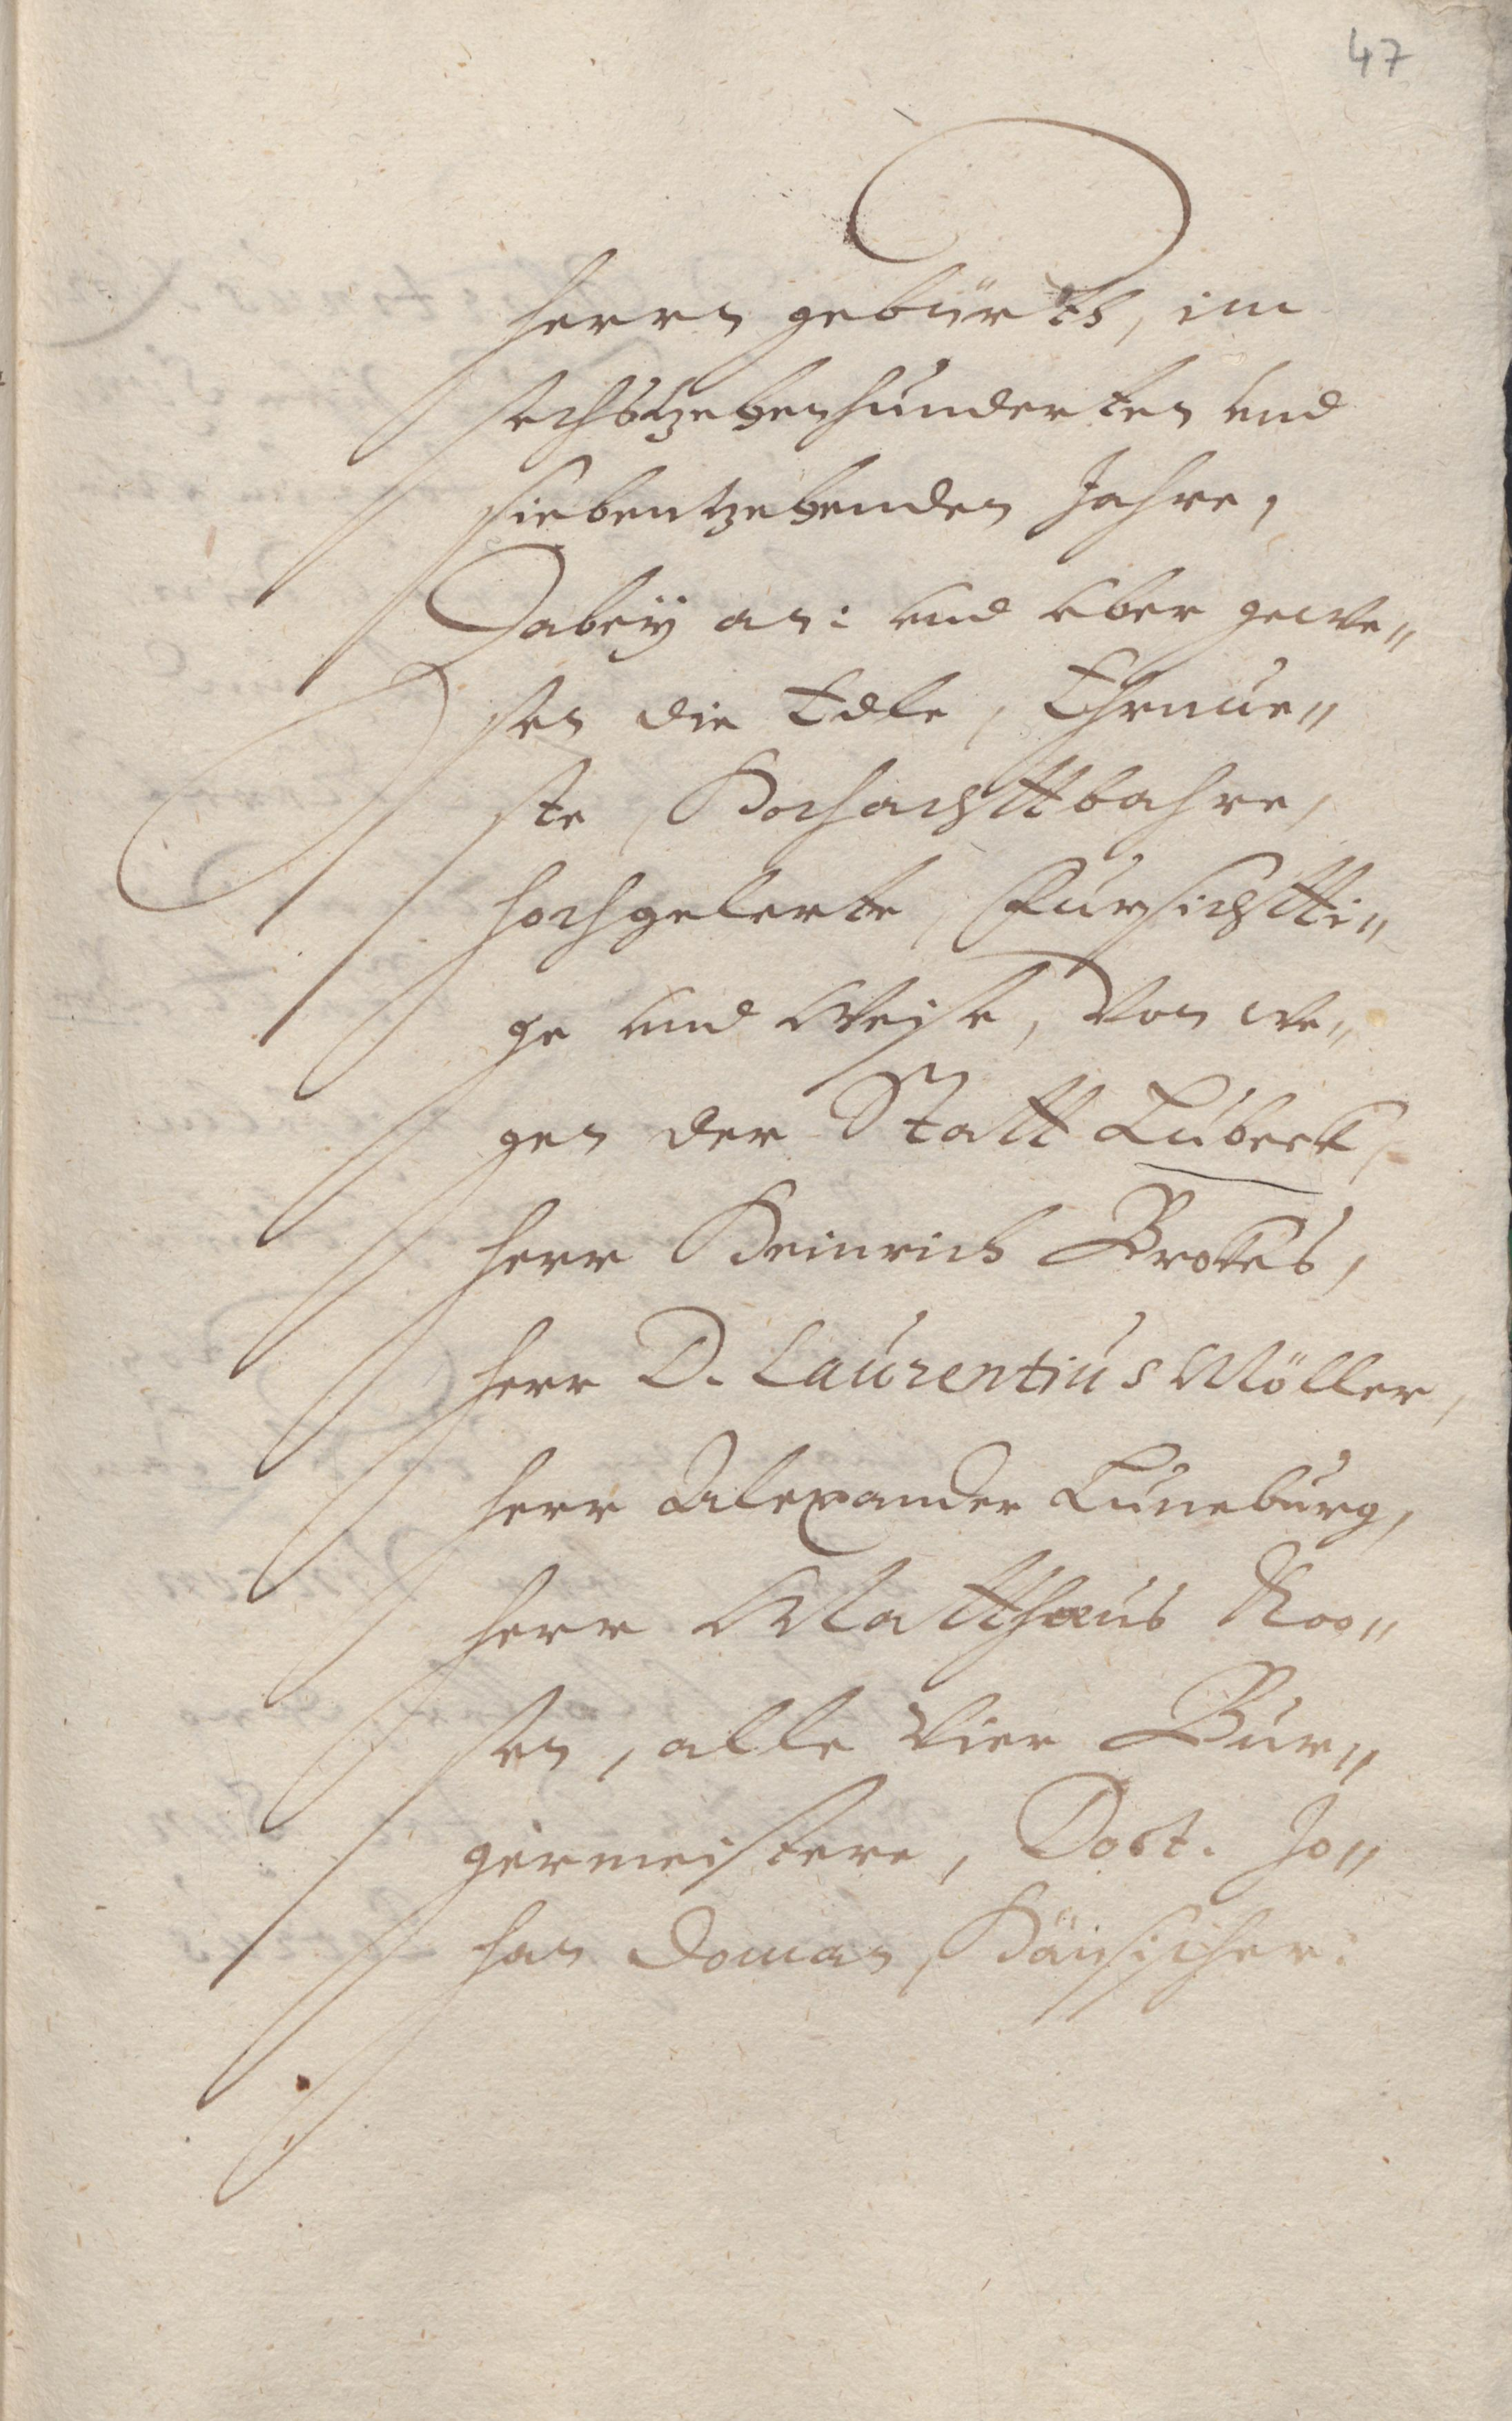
herrn gebürth, im
sechstzehenhunderten vnd
siebentzehenden Jahre,
Dabeij an: vnd vber gewe¬
sen die Edle, Ehrnue¬
ste, Hochachttbahre,
hochgelerte, Fursichtti¬
ge vnnd Weise, Von we¬
gen der Statt Lubeck,
herr Heinrich Brokes,
herr D. Laurentius Möller,
herr Alexander Luneburg,
herr Matthaeus Koo¬
sen, alle vier Bur¬
germeistere, Doct. Jo¬
han Doman, Hänsischer
